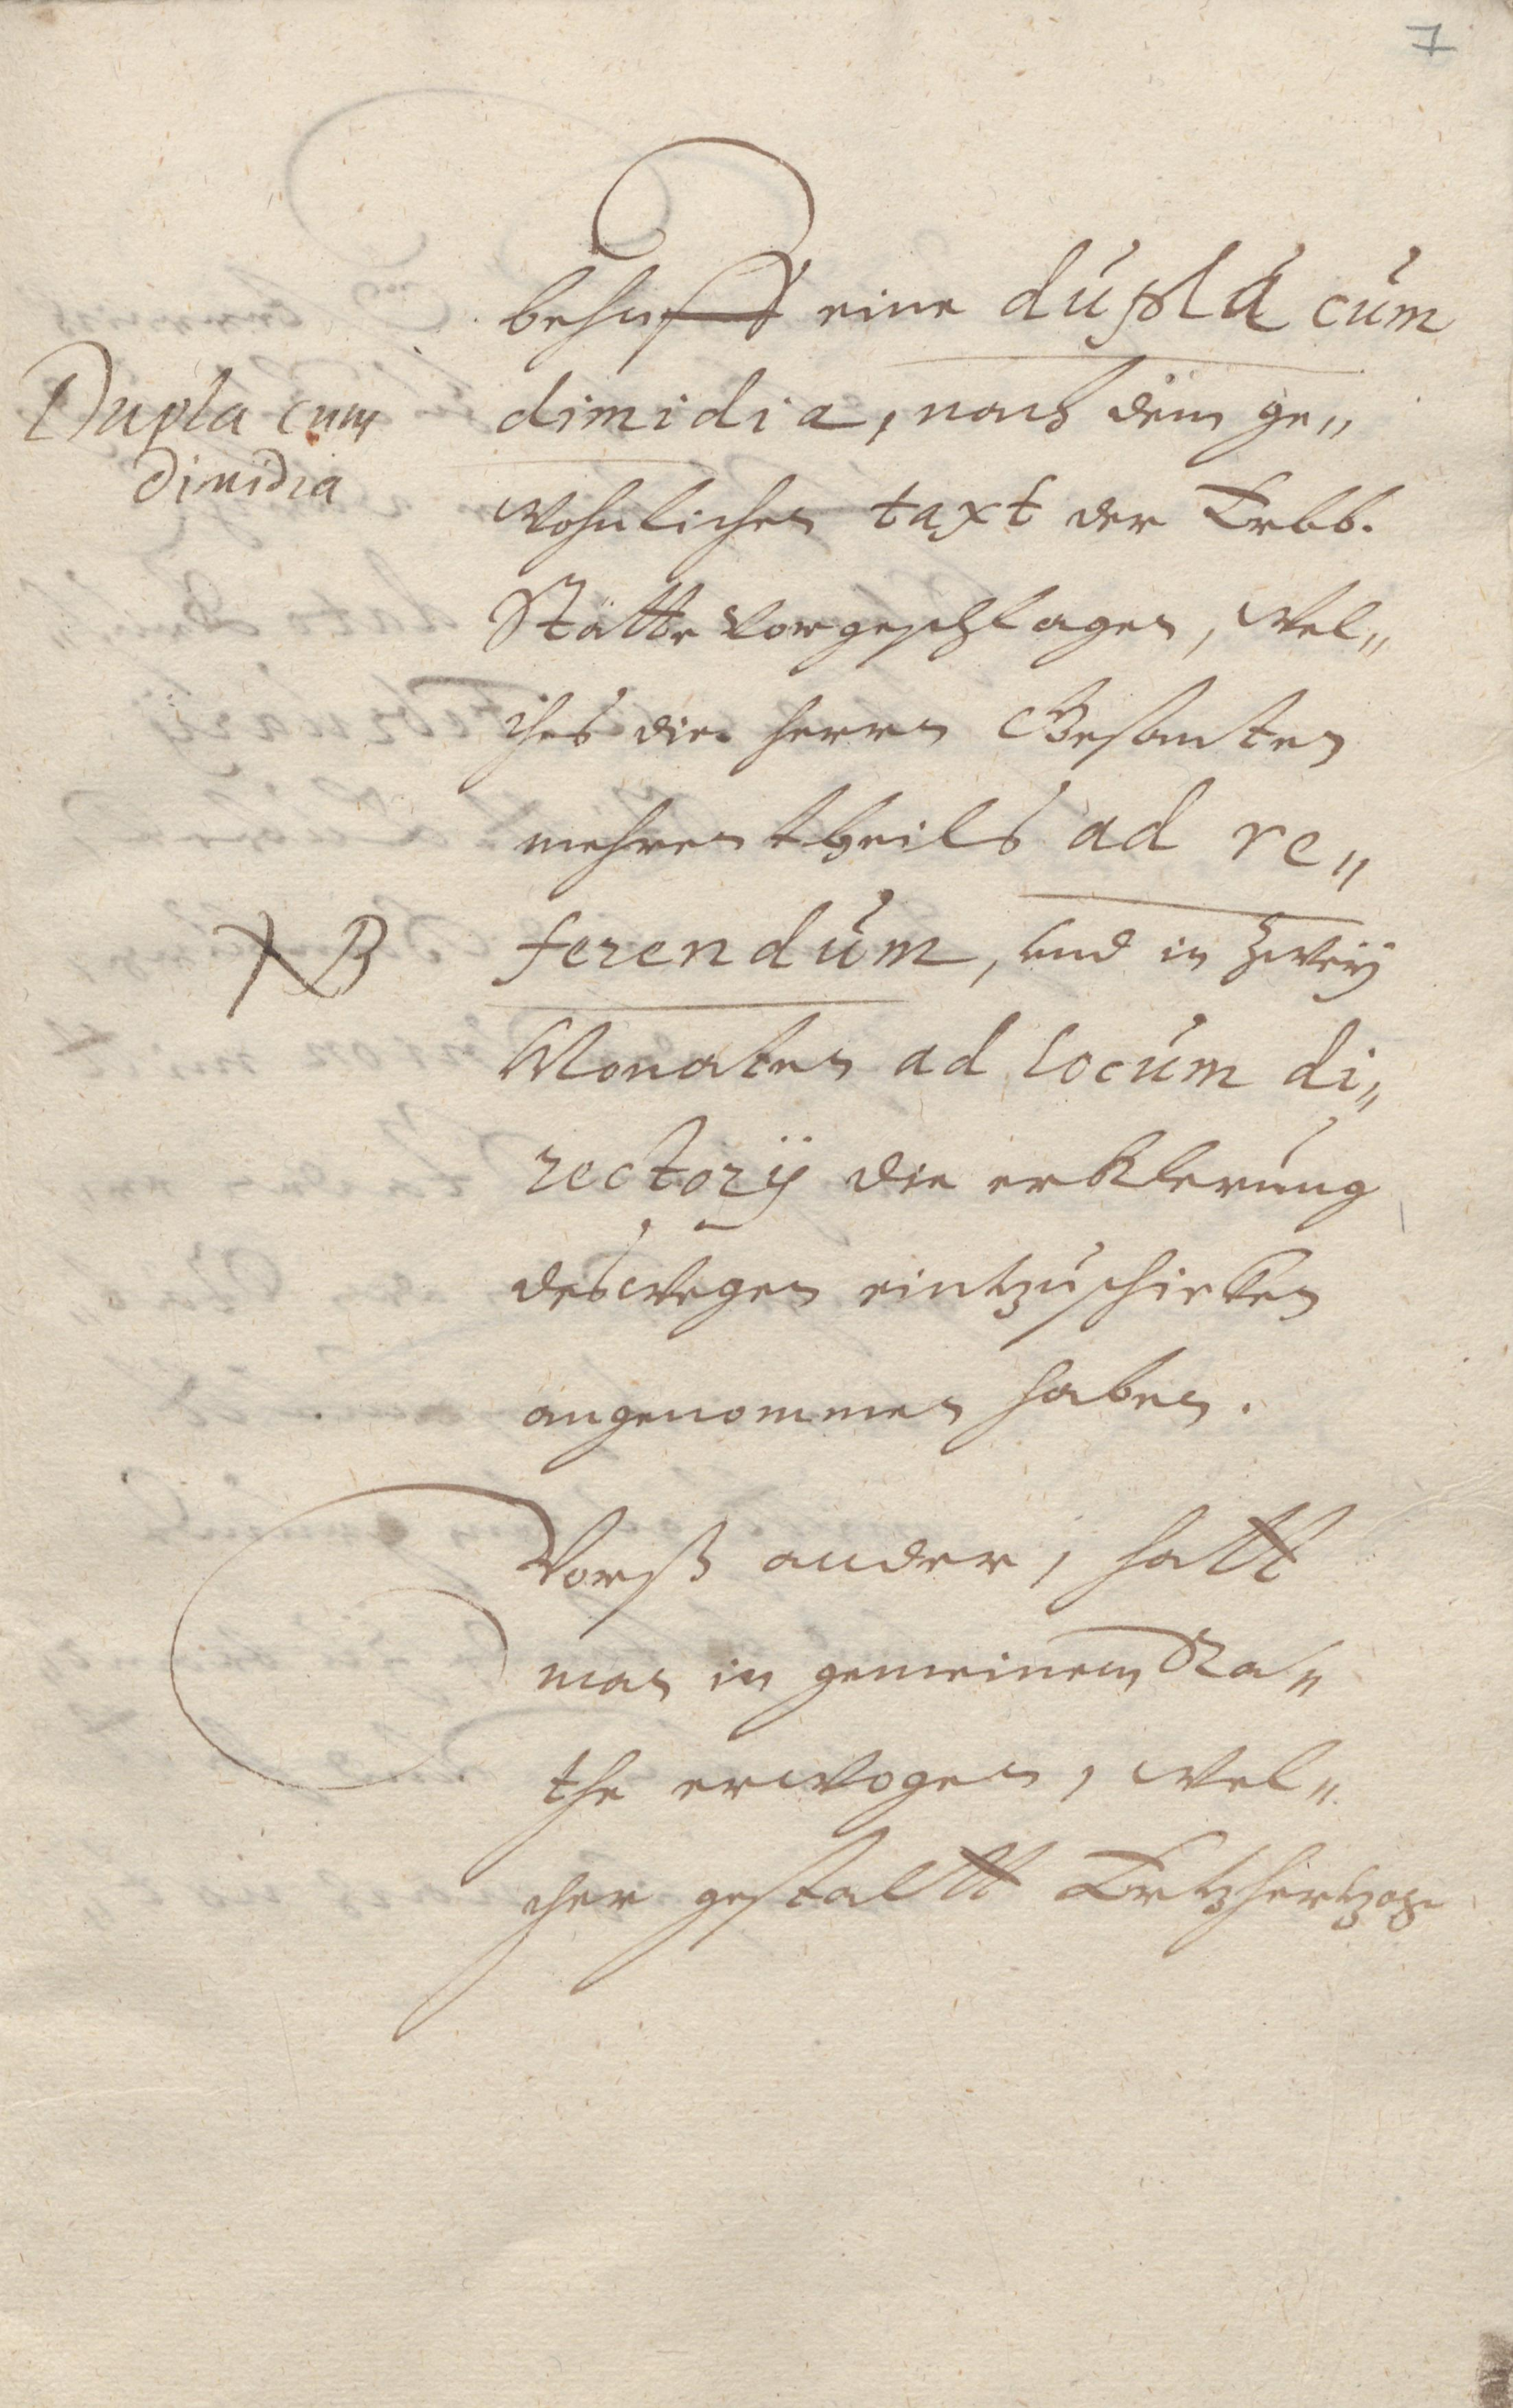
behuff eine dupla cum
dimidia, nach dem ge¬
wohnlichen taxt der Erbb.
Stätte vorgeschlagen, wel¬
ches dies herrn Gesanten
mehrentheils ad re¬
ferendum, vnd in zweij¬
Monaten ad locum di¬
rectorij die erklerung
deswegen eintzuschicken
angenommen haben.
Vorß ander, hatt
man in gemeinem Ra¬
the erwogen, wel¬
cher gestaltt Ertzhertzog
Dupla cum
dimidia
NB
